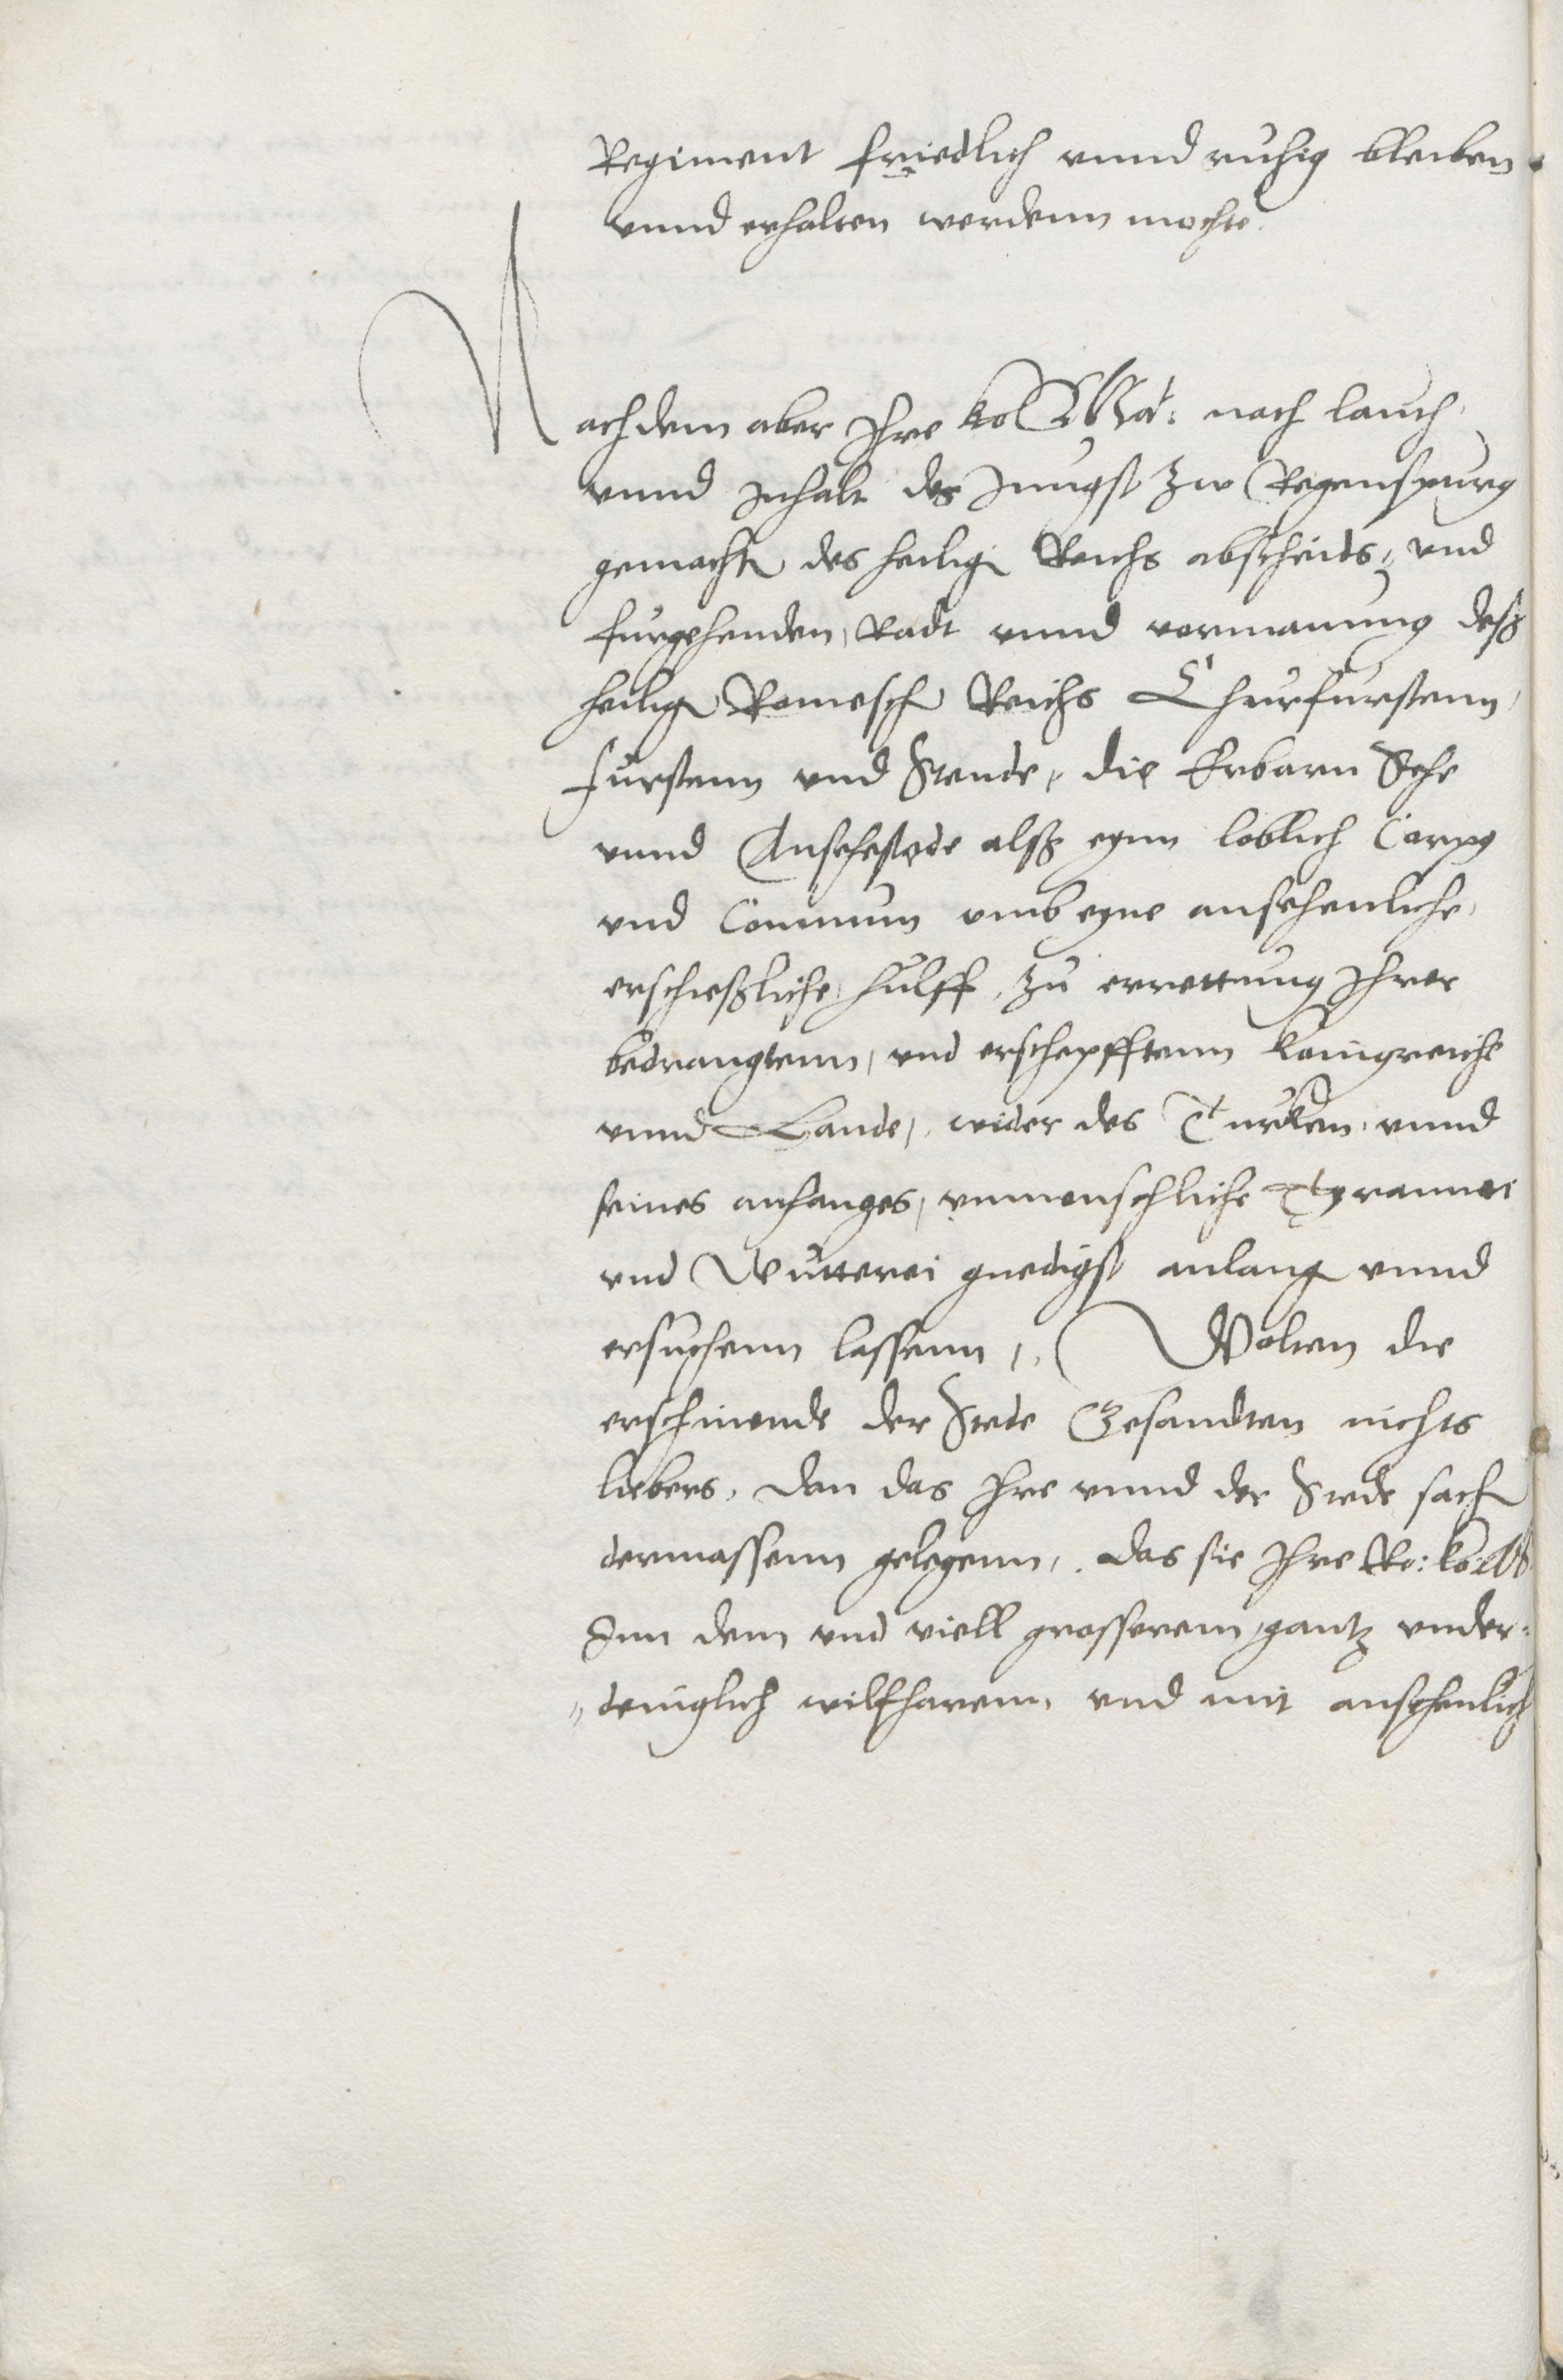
Regiment friedlich vnnd ruhig bleiben
vnnd erhalten werdenn mochte
Nachdem aber jhre Ko: Mat: nach lauth
vnnd jnhalt des jungst zw Regenspurg
gemachten des heiligen Reichs abscheids, vnd
furgehenden, Radt vnnd vormanung deß
heiligen Romeschen Reichs Churfurstenn,
Furstenn vnd Stende, die Erbarn Sehe
vnnd Ansehestede alß eynn loblich Corpus
vnd Commun vmb eyne ansehenliche
erschießliche hulff zu errettung jhrer
bedrangtenn, vnd erschepfftenn Konigreiche
vnnd Lande, wider des Turken, vnnd
seines anhanges, vnmenschliche Tyrannei
vnd Wutterei gnedigst anlangen vnnd
ersuchenn lassenn, Wolten die
erschinende der Stede Gesandten nichts
liebers, dan das Jhre vnnd der Stede sachen
dermassenn gelegenn, das sie jhre Ro: Ko: Mt.
Jnn dem vnd viell grosserem, gantz vnder¬
deniglich wilfharenn vnd mit ansehenlicher
